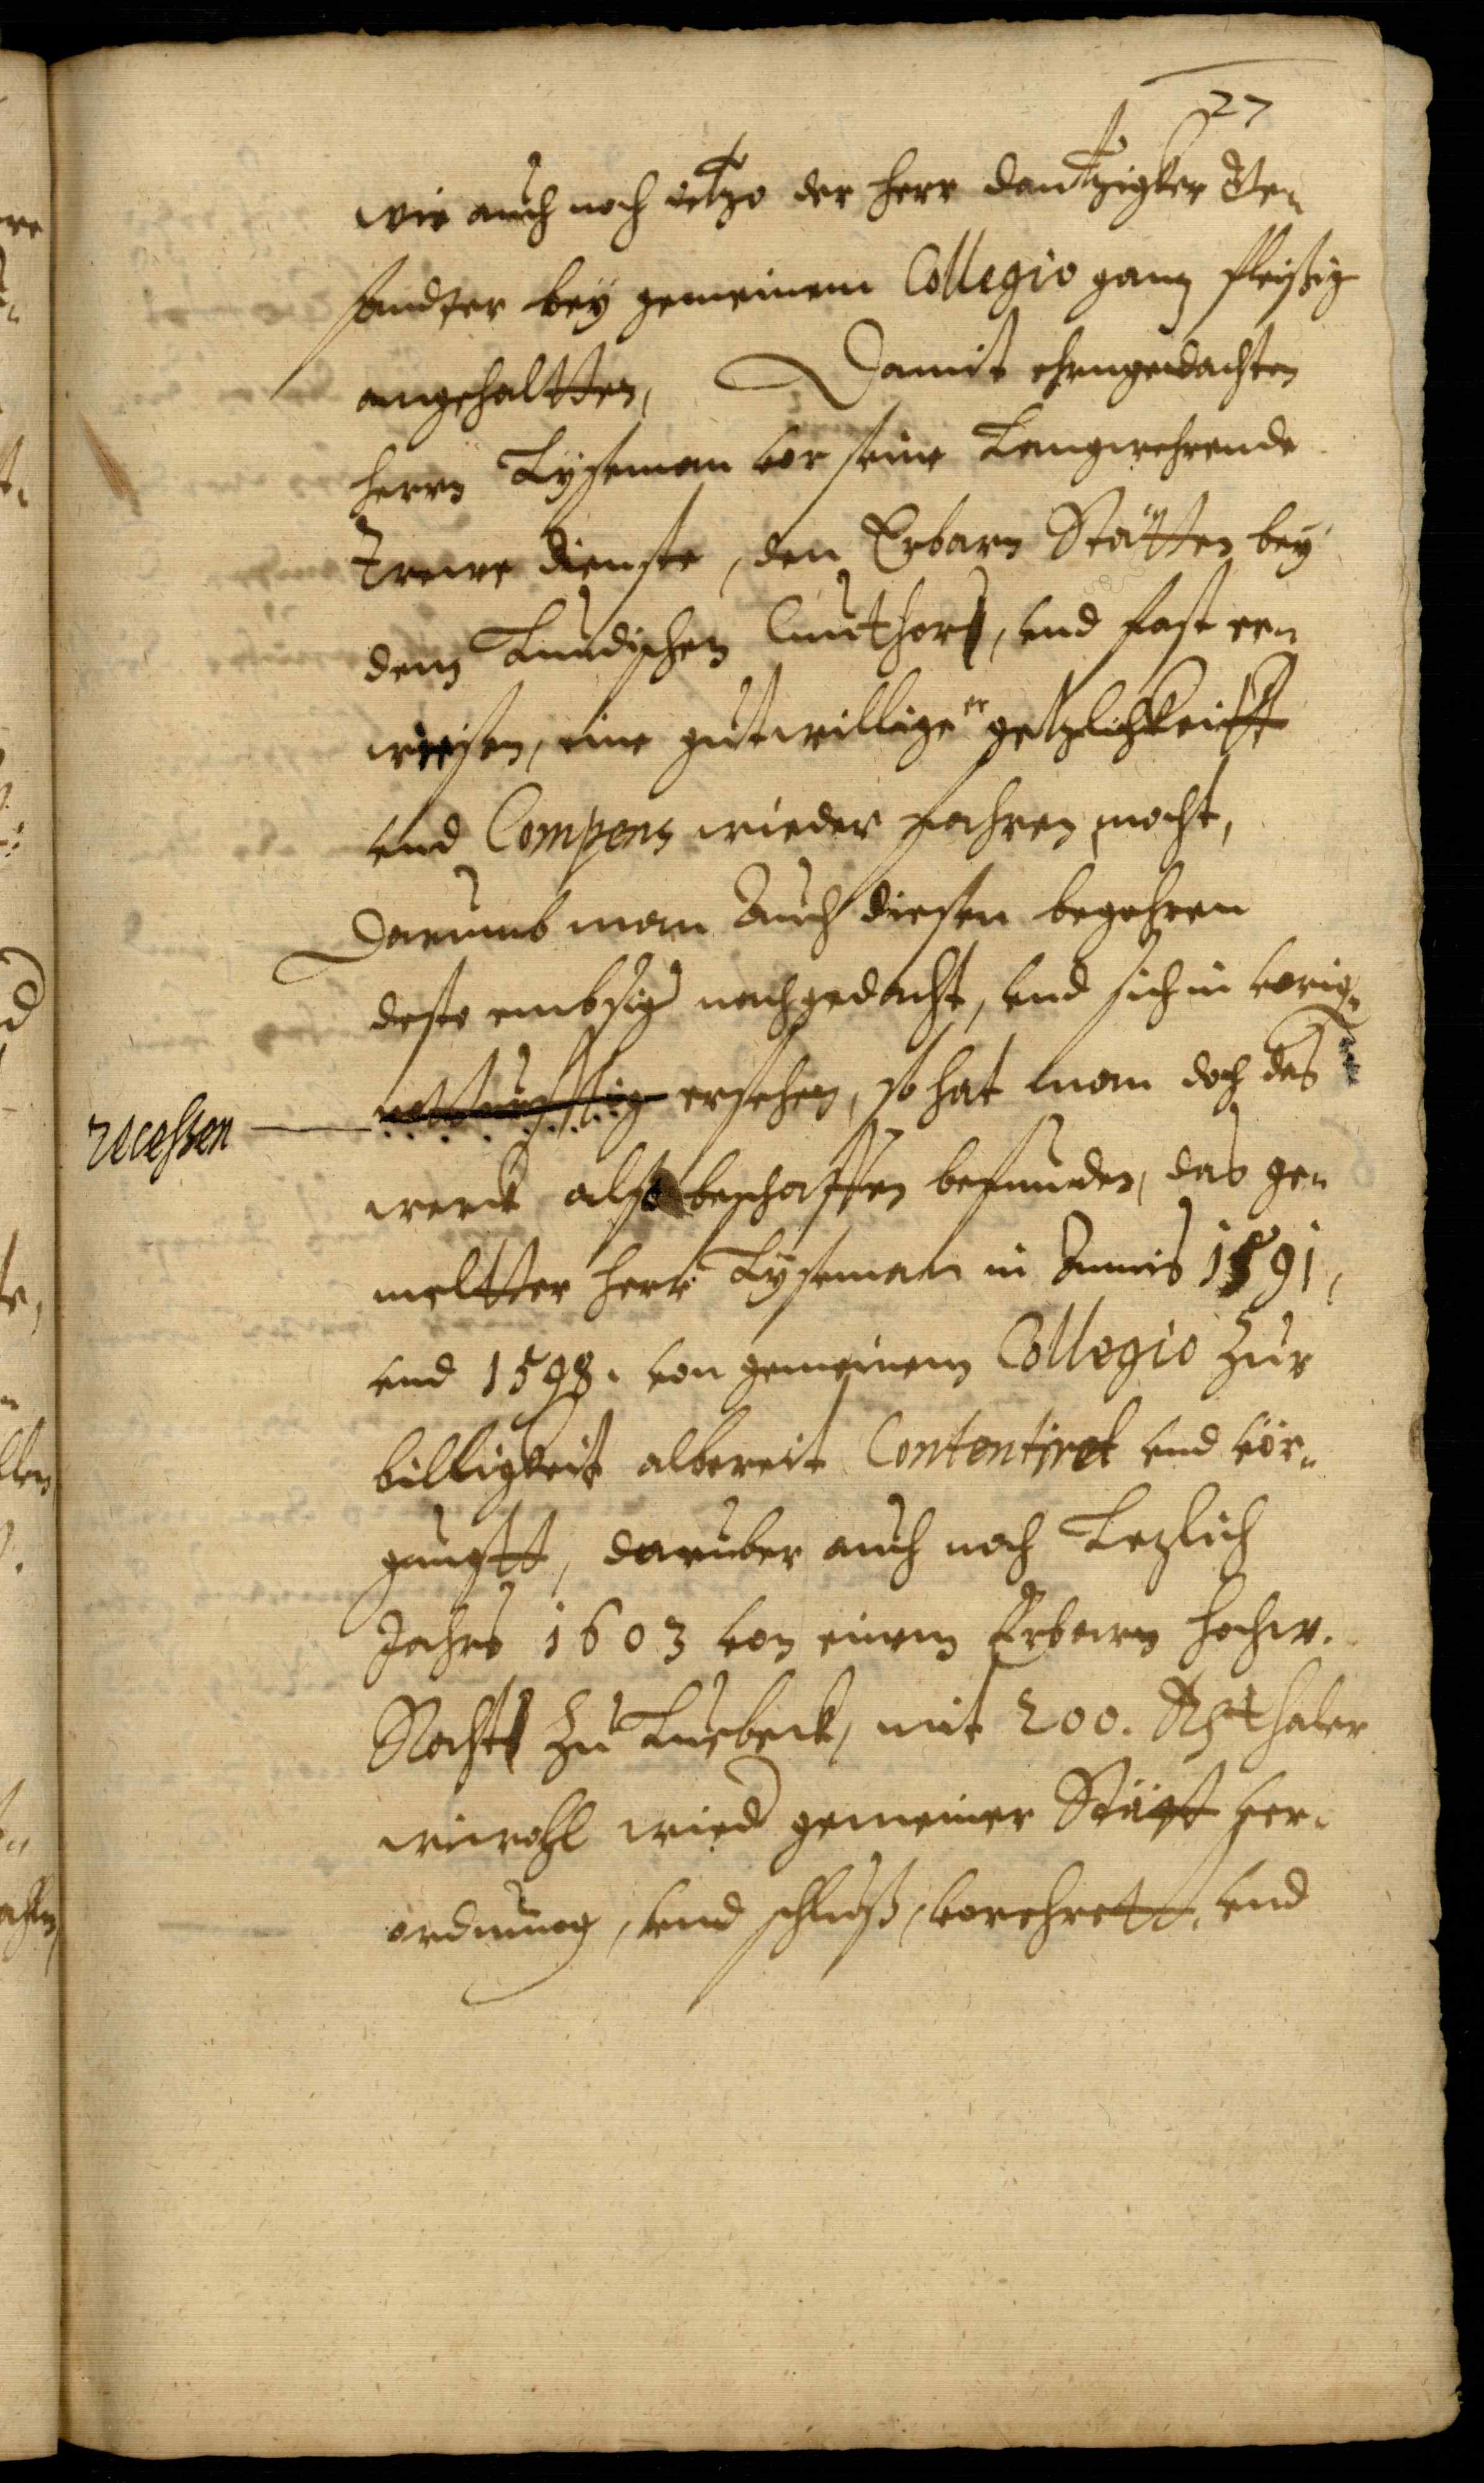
recessen
27
wie auch nach ietzo der herr dantzigker Ge¬
sandter beij gemeinem Collegio ganz fleißig
angehaltten, Damit ehrngedachten
herrn Liseman vor seine Langwehrende
Trewe dienste, den Erbarn Stätten beij
dem Lundischen CunthorS,vnd fast er¬
wiesen, eine gutwillige ergetzlichkeitt
vnd Compens wieder fahren mocht,
Darumb man auch diesen begehren
desto embsig nachgedacht, vnd sich in vorigen
notturfttig ersehen, so hat man doch das
werck alß beschaffen befunden,das ge¬
meltter herr Liseman in Annis 1591,
vnd 1598. von gemeinem Collegio zur
billigkeit albereit Contentiret vnd vör¬
gnugtt, daruber auch noch Lezlich
Jahres 1603 von einem Erbarn hochw.
Rahtt zu Luebeck, mit 200. Rhthaler
wiwohl wieder gemeiner Stätt ver¬
ordnung, vnd schluß, vorehrett, vnd
